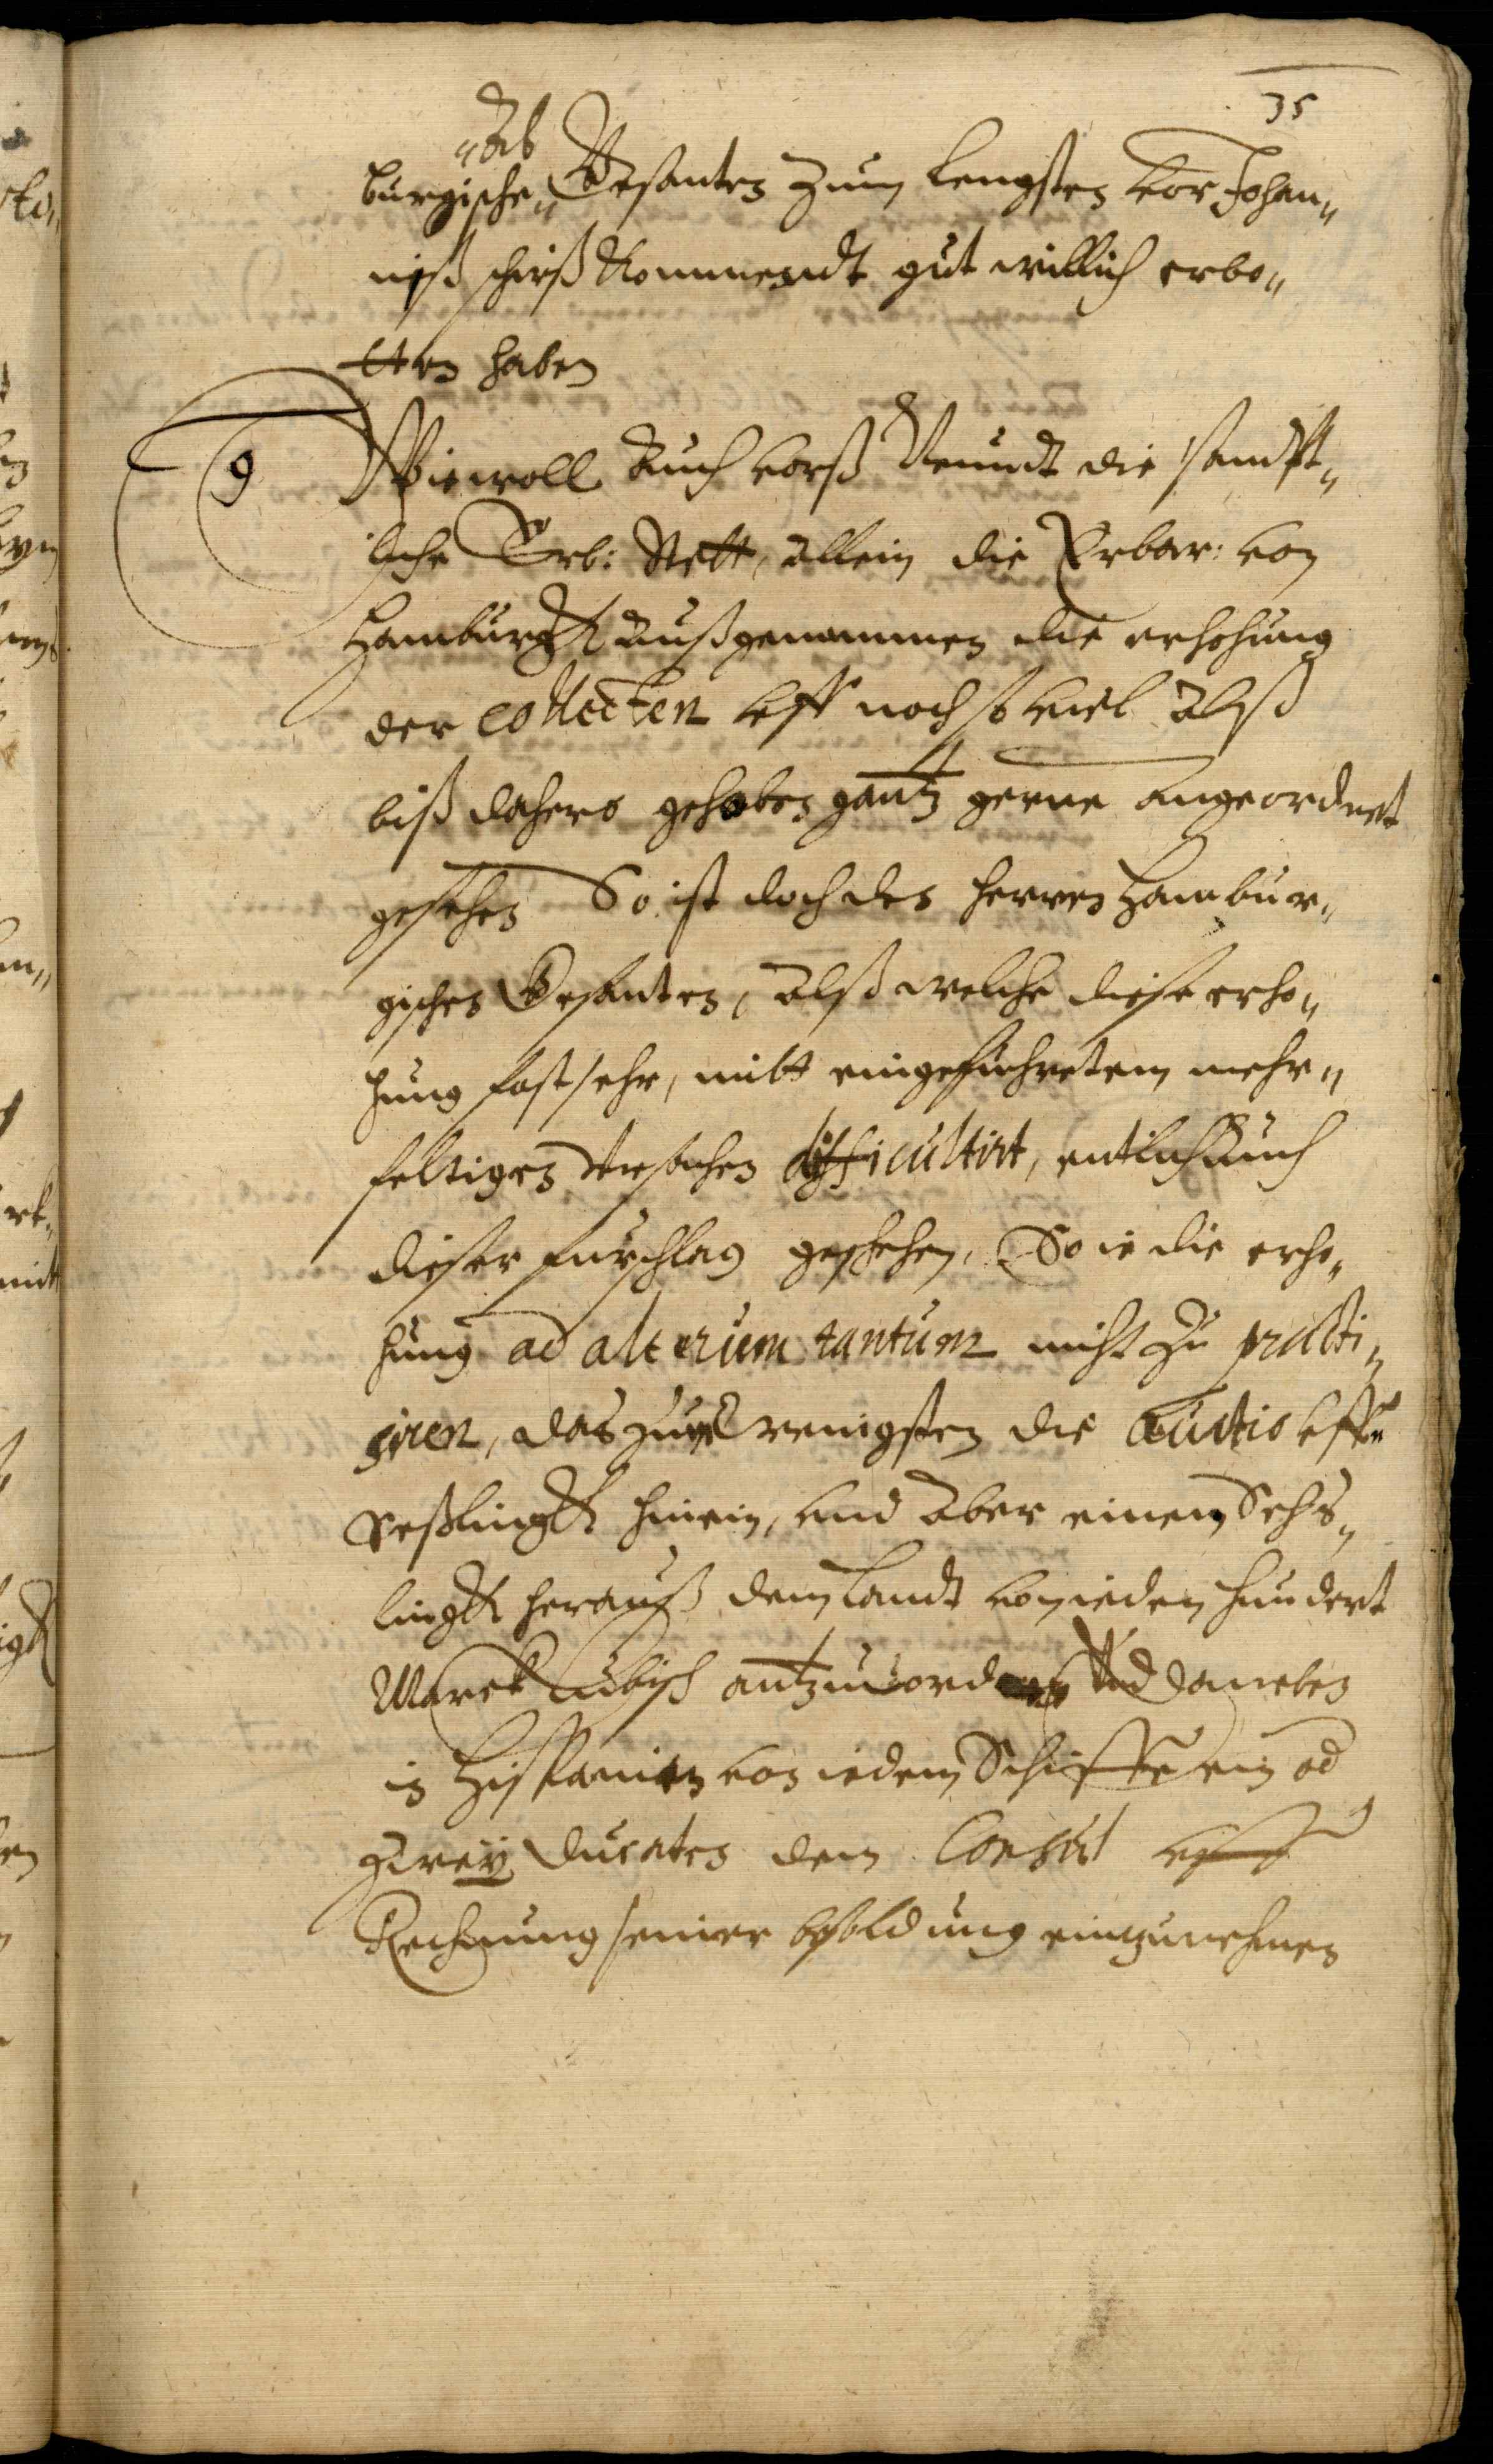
35
burgische Ab Gesanten zum lengsten vor Johan¬
niß schirß kommendt gut willig erbo¬
tten haben
9
Wiewoll Auch vorß Neundt die sampt¬
liche Erb: Stett, Allein die Erbar: von
Hamburgk Außgenommen die erhohung
der collecten vff noch so viel Alß
biß dahero gehaben gantz gerne Angeordnet
gesehen So ist doch den herren Hambur¬
gischen Gesanten, Alß welche diese erho¬
hung fast sehr, mitt eingefuhreten mehr¬
feltigen Vrsachen difficultirt, entlich Auch
dieser furschlag geschehen, So in die erho¬
hung ad alterum tantum nicht zu practi¬
ciren, das zum wenigsten die auctio vff
Seßlingk hinein, vnd Aber einen Sehs¬
lingk herauß dem Landt von ieden hundert
Marck Lubisch antzuuordnen vnd daneben
in Hispanien von vielen Schiffe ein oder
zweij ducaten dem Consul vff
Rechnung seiner besoldung einzunehmen
